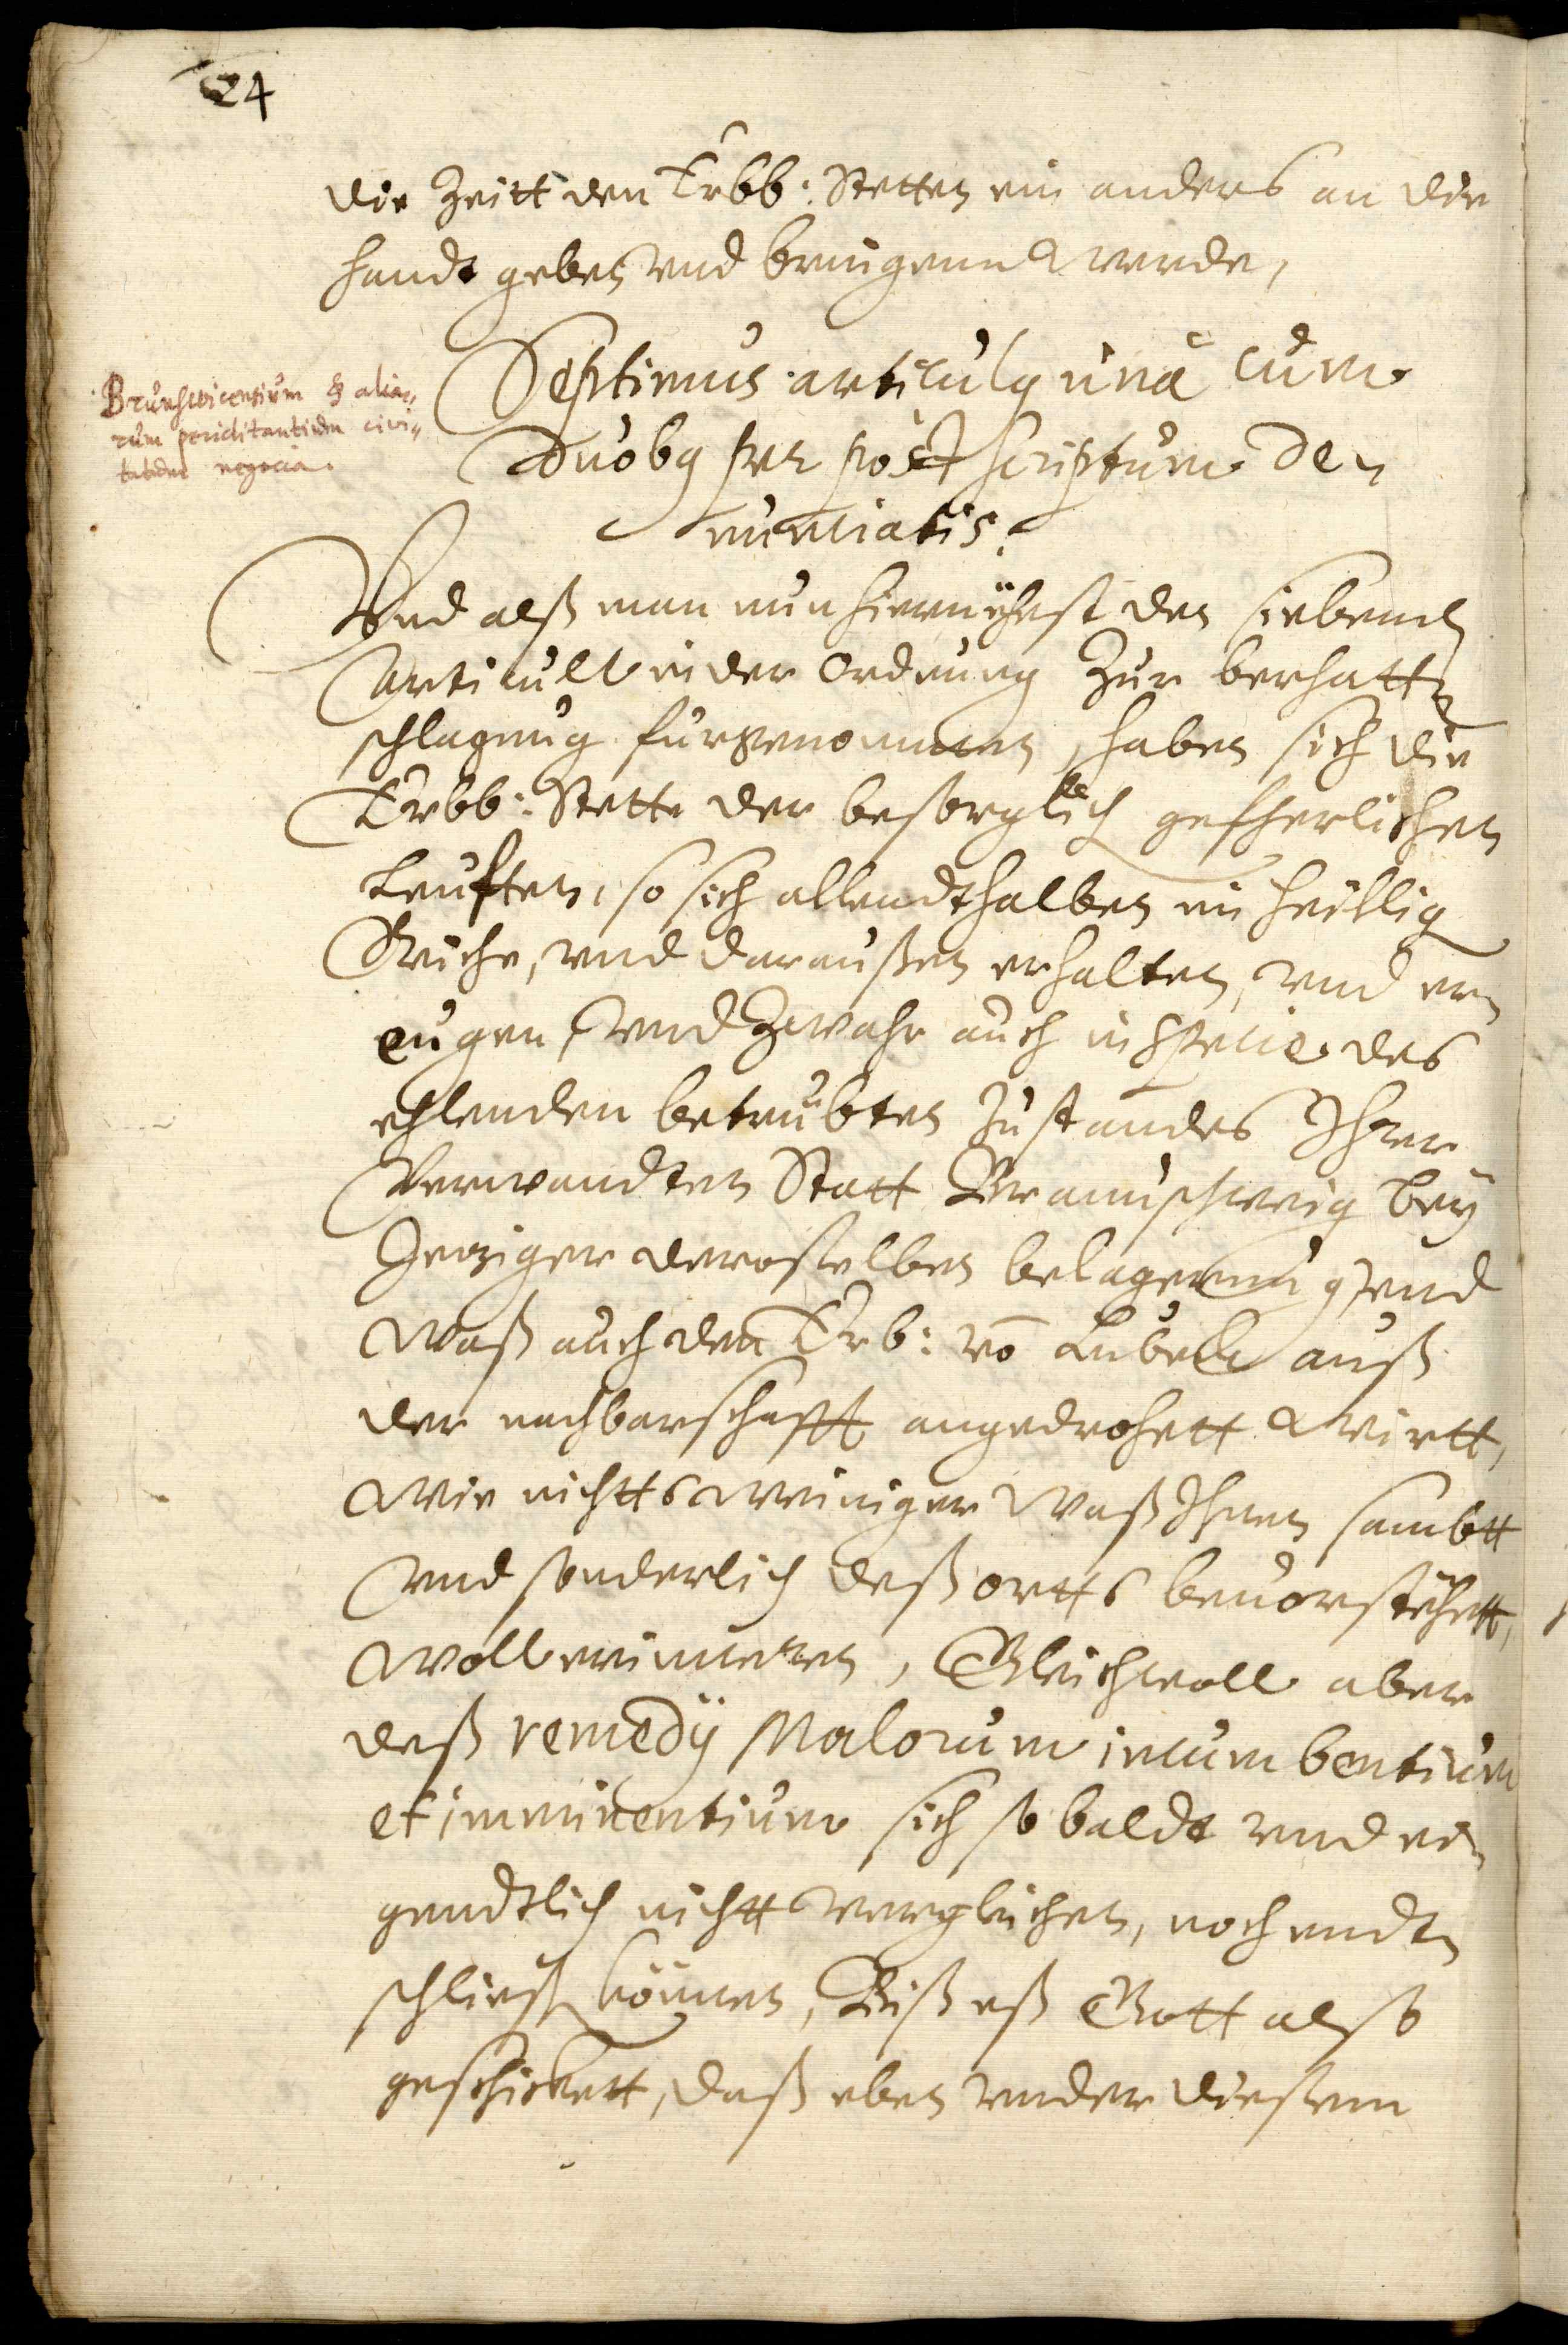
24
die Zeitt den Erbb: Stetten ein anders an die
handt geben vnd bringenn werde,
Brunswicensium & alia¬
rum periclitantium civi¬
tatum negocia.
Septimus articulus una cum
duobus per post scriptum de¬
nunciatis .
Vnd alß man nun hiernehest den siebenden
Articull in der Ordnung zur berhatt¬
schlagung furgenommen, haben sich die
Erbb: Stette der besorglichen gefherlichen
leuften, so sich allendthalben im heilligen
Reiche, vnd daraußen erhalten, vnd er¬
zugen, vnd zwahr auch in specie des
ehlenden betrübten zustandes Ihrer
Verwandten Statt Braunschweig beij
Jetziger deroselben belagerung vnd
Waß auch den Erb: von Lubeck auß
der nachbarschafft angedrohett wirtt,
Wie nichtts weiniger waß Ihnen sambtt
vnd sonderlich deß ortts beuorstehett,
woll erinnerten, Gleichwoll aber
deß remedij Malorum incumbentium
et imminentium sich so baldt vnd ei¬
gendtlich nichtt vergleichen, noch endt¬
schließen können, Biß eß Gott also
geschickett, daß eben vnder diesem
